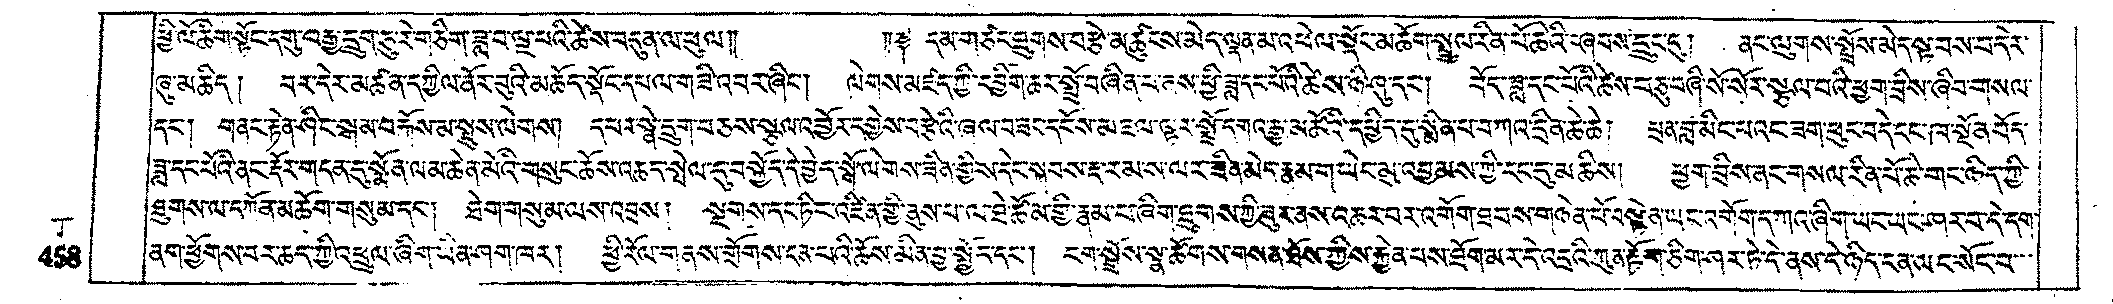ཕྱི་ལོ་ཆིག་སྟོང་དགུ་བརྒྱ་དྲུག་ཅུ་རེ་གཅིག་ཟླ་བ་ལྔ་པའི་ཚེས་བདུན་ལ་ཕུལ།། །།འ་དམ་གཙང་ཐུགས་བརྩེ་མཚུངས་མེད་ལྡན་མ་འཕེལ་སྡོང་མཆོག་སྤྲུལ་རིན་པོ་ཆེའི ༧ཞབས་དྲུང་དུ། ནང་ལུགས་སྤྲོས་མེད་སྟབས་བདེར་
ཞུ་མཆིད། བར་དེར་མཚན་དཀྱིལ་ནོར་བུའི་མཆོད་སྡོང་དཔལ་གཟི་འབར་ཞིང་། ལེགས་མཛད་ཀྱི་དབྱིག་ཆར་སྤྲོ་བཞིན་པ་ནས་ཕྱི་ཟླ་དང་པོའི་ཚེས་ཉི་ཤུ་དང་། བོད་ཟླ་དང་པོའི་ཚེས་བཅུ་བཞི་སོ་སོར་སྩལ་བའི་ཕྱག་བྲིས་ཞིབ་གསལ་
དང་། གནང་རྟེན་ཤིང་སྒམ་བརྐོས་མ་སྤུས་ལེགས། དཔར་སྣེ་དྲུག་བཅས་སྩལ་འབྱོར་དགྱེས་བརྩེའི་ཞལ་བཟང་དངོས་མཇལ་ལྟར་སྤྲོ་དགའ་རྒྱ་མཚོའི་དཔྱིད་དུ་སྨིན་པ་བཀའ་དྲིན་ཆེ་ཆེ། ཕྲན་བླ་མིང་པའང་ཟག་ཕུང་བདེ་ངང་ཁ་སྔོན་བོད་
ཟླ་དང་པོའི་ནང་རྡོར་གདན་དུ་སྨོན་ལམ་ཆེན་མོའི་གསུང་ཆོས་འཆད་སྤེལ་དུ་བསྐྱོད་དེ་བྱེད་སྒོ་ལེགས་ཟིན་གྱིས་དེང་སྐབས་རྡ་རམ་ས་ལར་ཟིན་མེད་རྣམ་གཡེང་མུ་འབྱམས་ཀྱི་ངང་དུ་མཆིས། ཕྱག་བྲིས་ནང་གསལ་རིན་པོ་ཆེ་གང་ཉིད་ཀྱི་
ཐུགས་ལ་དཀོན་མཆོག་གསུམ་དང་། ཐེག་གསུམ་ལས་འབྲས། སྔགས་དང་ཏིང་འཛིན་གྱི་ནུས་པ་ལ་ཐེ་ཚོམ་གྱི་རྣམ་པ་ཞིག་ཐུགས་ཀྱི་ཟུར་ནས་འཆར་བར་འགོག་ཐབས་གཉེན་པོ་བསྟེན་ཡང་འགོག་དཀའ་ཞིག་ཡང་ཡང་ཤར་བ་དེ་དག་
ནག་ཕྱོགས་བར་ཆད་ཀྱི་འཕྲུལ་ཞིག་ཡིན་ཤག་ཁར། ཕྱི་རོལ་གནས་གྲོགས་ངན་པའི་ཆོས་མིན་བྱ་སྤྱོད་དང་། ངག་སྒྲོས་སྣ་ཚོགས་གསན་ཐོས་ཀྱིས་རྐྱེན་པས་ཐོག་མར་དེ་འདྲའི་ཀུན་རྟོག་ཅིག་ཤར་ཏེ་དེ་ནས་དེ་ཉིད་ངན་ལང་སོང་བ་་་